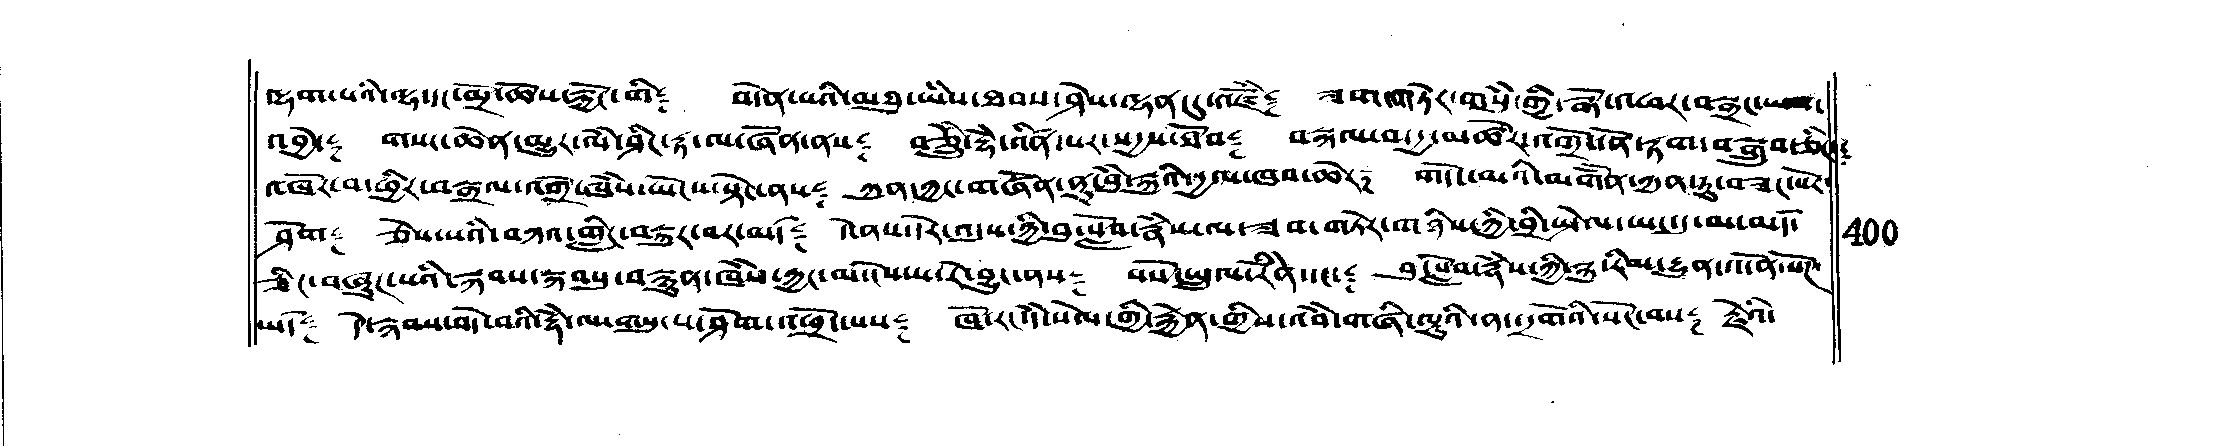།ལྷག་པའི་ལྷ་དང་མཁའ་འགྲོ་ཆོས་སྐྱོང་གི། །བདེན་པའི་མཐུ་ཡིས་ཐབས་ཤེས་ལྷན་དུ་འཛོམ། །ཟབ་གཏེར་གསུམ་གྱི་སྒོ་འཕར་བསྒྲང་༼གྲངས་?༽ཡས་
འབྱེད། །གསང་ཆེན་མྱུར་ལམ་ཤིང་རྟ་ལ་ཞོན་ནས། །བཅུ་དྲུག་རྡོ་རྗེ་འཛིན་པར་སངས་རྒྱས་ཐོབ། །བསྐལ་པ་རྒྱ་མཚོར་འགྲོ་དོན་རྟག་བསྒྲུབ་ཅིང་། །
འཁོར་བ་ཕྱིར་བསྒྲལ་འགྲོ་ཁམས་ཡོངས་སྟོང་ནས། །ཀུན་ཀྱང་གཞོན་ནུ་བུམ་སྐུའི་རྒྱལ་ཁབ་ཆེར། །གདོད་མའི་མགོན་པོ་ཀུན་ཏུ་བཟང་པོར་
ཤོག།ཅེས་པའི་བཀའ་གླེང་བསྐུར་བར་མཛད། དེ་ནས་དེར་འདུས་ཀྱི་བུ་སློབ་རྣམས་ལ་ཟབ་གཏེར་གཉིས་ཀྱི་བྲི་སྤེལ་ཡང་དུ་མ་མཛད་
ཅིང་བཞུགས་པའི་སྐབས་སྐབས་སུ་བསྙུན་ཁམས་ཀྱང་མ་ངེས་པ་རེ་བྱུང་ནས། བསོ་སྤྲུལ་རིན་པོ་ཆེ་དང་། བུ་སློབ་རྣམས་ཀྱི་སྐུ་རིམ་རྒྱུན་འདོན་སོགས་
མཛད། དེ་སྐབས་བདེ་བའི་རྡོ་རྗེ་ལ་གསུང་ཤོག་འཕྲོད་པས། ཁོ་རང་དམ་སེལ་གྱི་རྐྱེན་གྱིས་འབམ་གཞི་ལྟ་བུའི་ནད་དྲག་པོའི་སོང་བས། རྗེའི་